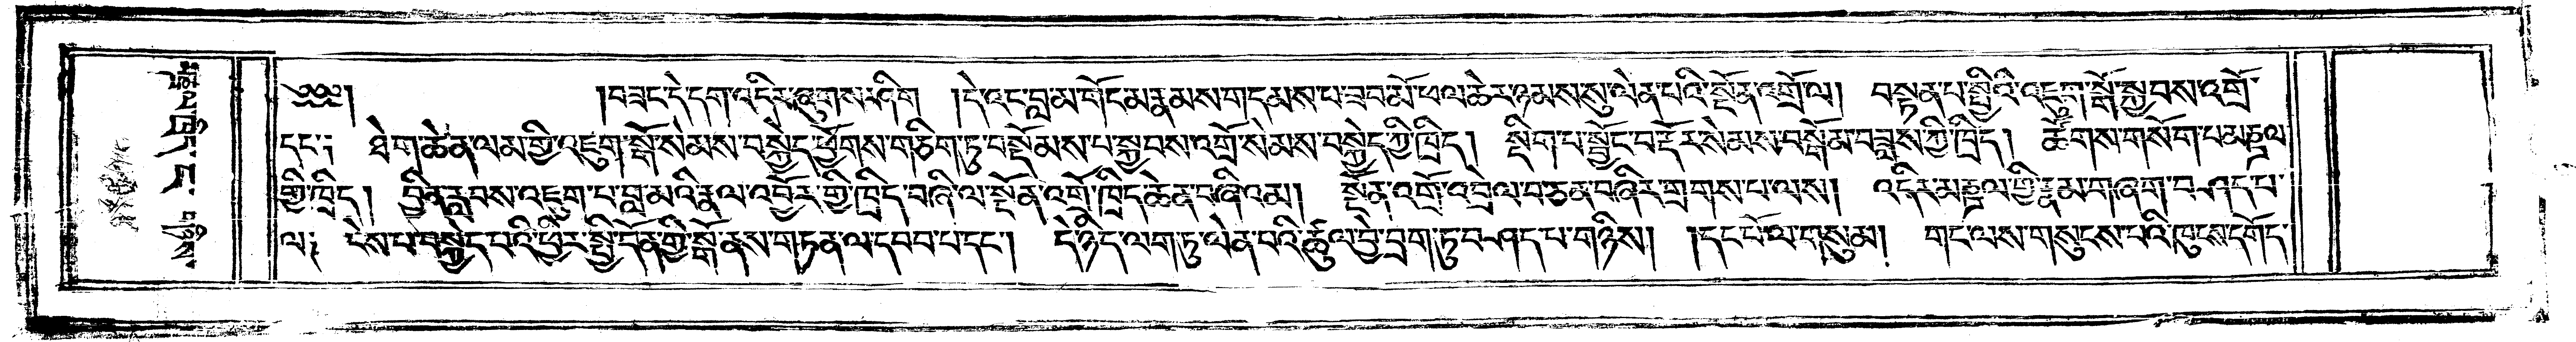༄༅༅། །བཟང་དེ་དག་འདིར་ཞུགས་ཤིག །དེ་འང་བླ་མ་གོང་མ་རྣམས་གདམས་པ་ཟབ་མོ་ཕལ་ཆེར་ཉམས་སུ་ལེན་པའི་སྔོན་འགྲོ་ལ། བསྟན་པ་སྤྱིའི་འཇུག་སྒོ་སྐྱབས་འགྲོ་
དང༑ ཐེག་ཆེན་ལམ་གྱི་འཇུག་སྒོ་སེམས་བསྐྱེད་ཕྱོགས་གཅིག་ཏུ་བསྡོམས་པ་སྐྱབས་འགྲོ་སེམས་བསྐྱེད་ཀྱི་ཁྲིད། སྡིག་པ་སྦྱོང་བ་རྡོར་སེམས་བསྒོམ་བཟླས་ཀྱི་ཁྲིད། ཚོགས་གསོག་པ་མཎྜལ་
གྱི་ཁྲིད། བྱིན་རླབས་འཇུག་པ་བླ་མའི་རྣལ་འབྱོར་གྱི་ཁྲིད་བཞི་ལ་སྔོན་འགྲོ་ཁྲིད་ཆེན་བཞིའམ། སྔོན་འགྲོ་འབྲེལ་བ་ཅན་བཞིར་གྲགས་པ་ལས། འདིར་མཎྜལ་གྱི་རྣམ་གཞག་བཤད་པ་
ལ༑ ངེས་པ་བསྐྱེད་པའི་ཕྱིར་སྤྱི་དོན་གྱི་སྒོ་ནས་གཏན་ལ་དབབ་པ་དང་། དེ་ཉིད་ལག་ཏུ་ལེན་པའི་ཚུལ་བྱེ་བྲག་ཏུ་བཤད་པ་གཉིས། ༑དང་པོ་ལ་གསུམ། གང་ལས་གསུངས་པའི་ཁུངས་དགོད་